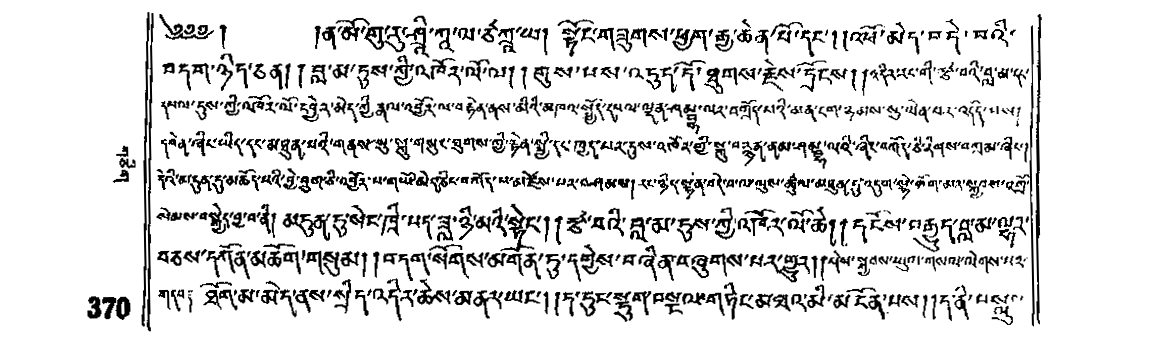༄༅༅། །ན་མོ་གུ་རུ་ཤྲཱི་ཀཱ་ལ་ཙཀྲཱ་ཡ། སྟོང་གཟུགས་ཕྱག་རྒྱ་ཆེན་པོ་དང་། །འཕོ་མེད་བདེ་བའི་
བདག་ཉིད་ཅན། །བླ་མ་དུས་ཀྱི་འཁོར་ལོ་ལ། །གུས་པས་འདུད་དོ་ཐུགས་རྗེས་དྲོངས། །འདིར་རང་གི་རྩ་བའི་བླ་མ་དང་
དཔལ་དུས་ཀྱི་འཁོར་ལོ་དབྱེར་མེད་ཀྱི་རྣལ་འབྱོར་ལ་བརྟེན་ནས་མིའི་མཁའ་སྤྱོད་དཔལ་ལྡན་ཤམྦྷ་ལར་བགྲོད་པའི་མན་ངག་ཉམས་སུ་ལེན་པར་འདོད་པས།
དབེན་ཞིང་ཡིད་དང་མཐུན་པའི་གནས་སུ་སྐུ་གསུང་ཐུགས་ཀྱི་རྟེན་སྤྱི་དང་ཁྱད་པར་དུས་འཁོར་གྱི་སྐུ་བརྙན་ནམ་ཤམྦྷ་ལའི་ཞིང་བཀོད་ཅི་རིགས་བཀྲམ་ཞིང་།
དེའི་མདུན་དུ་མཆོད་པའི་བྱེ་བྲུག་ཅི་འབྱོར་པ་གཡོ་མེད་ཅིང་བཀོད་པ་མཛེས་པར་བཤམས། རང་ཉིད་སྟན་བདེ་བ་ལ་ལུས་ཚུལ་མཐུན་དུ་འདུག་སྟེ་ཐོག་མར་སྐྱབས་འགྲོ་
སེམས་བསྐྱེད་བྱ་བ་ནི། མདུན་དུ་སེང་ཁྲི་པད་ཟླ་ཉི་མའི་སྟེང་། །རྩ་བའི་བླ་མ་དུས་ཀྱི་འཁོར་ལོ་ཆེ། །དངོས་བརྒྱུད་བླ་མ་ལྷར་
བཅས་དཀོན་མཆོག་གསུམ། །བདག་སོགས་མགོན་དུ་དགྱེས་བཞིན་བཞུགས་པར་གྱུར། །ཞེས་སྐྱབས་ཡུལ་གསལ་ལེགས་པར་
གདབ༑ ཐོག་མ་མེད་ནས་སྲིད་འདིར་ཆེས་མནར་ཡང་། །ད་དུང་སྡུག་བསྔལ་གཏིང་མཐའ་མི་མངོན་པས། །ད་ནི་བསླུ་